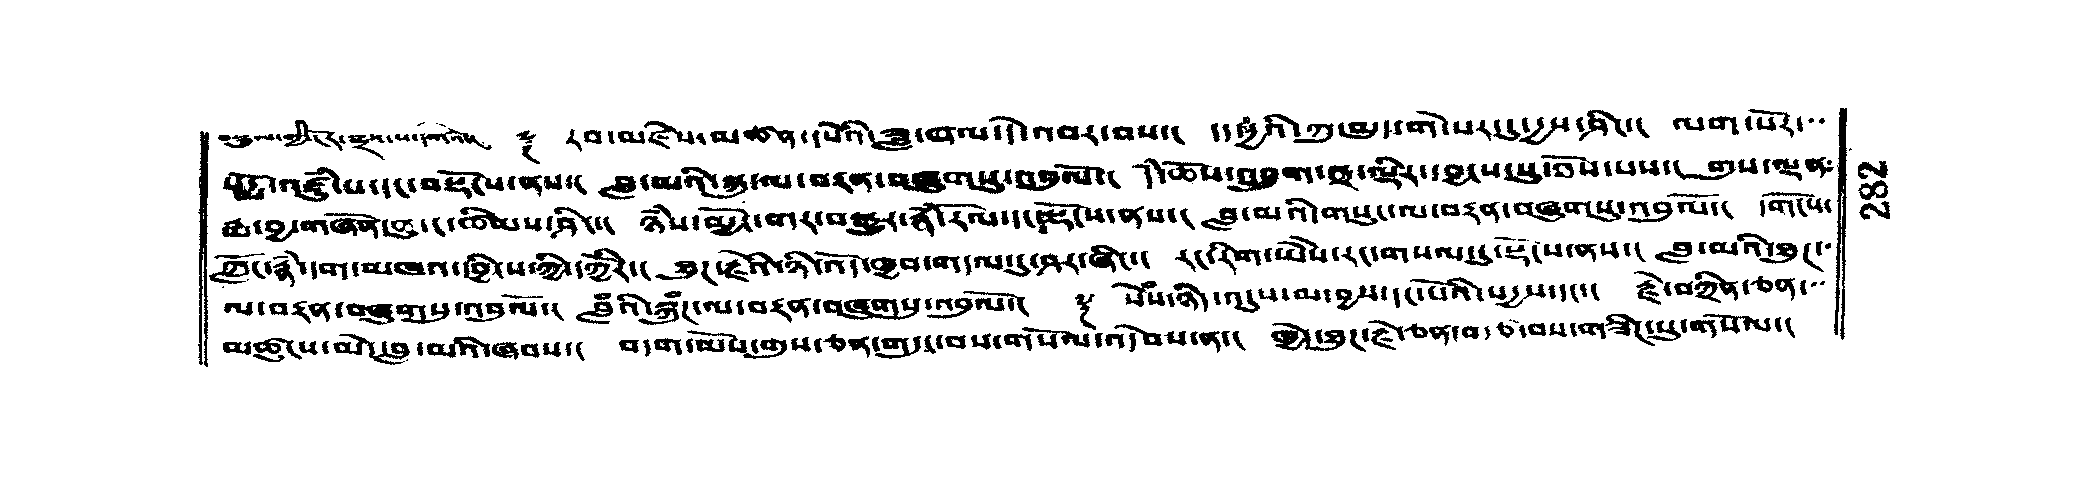བསྐུལ་གྱི་ངོར་སྨྲས་པ་དགེའོ།། ༈ རབ་མཛེས་མཚན་དཔེའི་ཟླ་ཞལ་དེ་འབར་བས། །དད་བརྒྱའི་ཀུ་མུད་གེ་སར་དུ་རྒྱས་ཤིང་། ལག་སོར་
པདྨོ་འཛུམ་པ་དང་བསྡོངས་ནས། །བླ་མའི་སྐུ་ལ་བརྟན་བཞུགས་སུ་འབུལ་ལོ། །དམ་ཆོས་འབྲུག་སྒྲ་ལྡིར་དབྱངས་སུ་ཐོས་པས། །གུས་ལྡན་
རྨ་བྱ་གཞོན་ནུ་ང་ཚིམས་ཤིང་། །ཉམས་མྱོང་གར་བསྒྱུར་རྣམ་རོལ་དང་བསྡོངས་ནས། །བླ་མའི་གསུང་ལ་བརྟན་བཞུགས་སུ་འབུལ་ལོ། །དགོངས་
ཀློང་རྣམ་དག་མཁའ་དབྱིངས་ཀྱི་དཀྱིལ་འཁོར། །ཐུགས་རྗེའི་ཉི་འོད་ཁྱབ་གདལ་དུ་ཤར་ཞིང་། །རང་རིག་ཡེ་ཤེས་རང་གསལ་དུ་བསྡོངས་ནས། །བླ་མའི་ཐུགས་
ལ་བརྟན་བཞུགས་སུ་འབུལ་ལོ། །བླ་མའི་སྐུ་གསུང་ཐུགས་ལ་བརྟན་བཞུགས་སུ་འབུལ་ལོ།།༈ སེམས་ཉིད་འདུས་མ་བྱས་དང་པོའི་སངས་རྒྱས་དང་། །རྗེ་བཀའ་དྲིན་ཅན་
མཚུངས་མེད་བླ་མའི་ཞབས། །བདག་མོས་གུས་ཅན་གདུང་བས་གསོལ་འདེབས་ན། །ཁྱེད་ཐུགས་རྗེ་ཅན་བརྩེ་བས་གཟིགས་སུ་གསོལ།